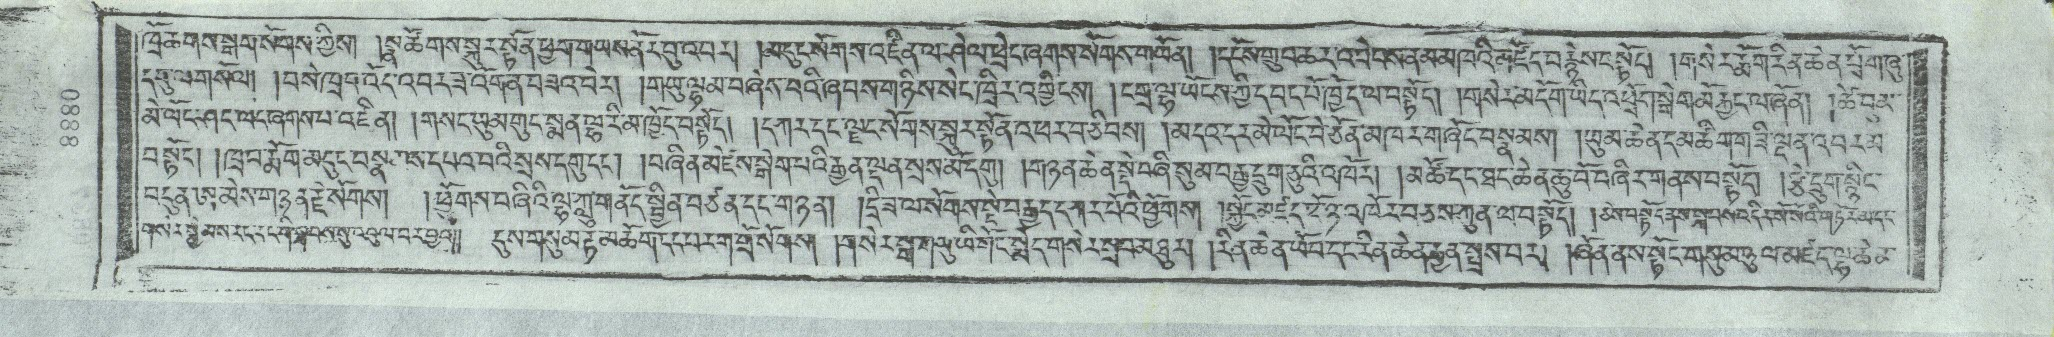ཁྲོ་ཆགས་སྒག་སོགས་ཀྱིས། །སྣ་ཚོགས་སྐུར་སྟོན་ཕྱག་གཡས་ནོར་བུ་འབར། །མདུང་སོགས་འཛིན་ལ་ཤེལ་ཕྲེང་ཞགས་སོགས་གཡོན། །དངོས་གྲུབ་ཆར་འབེབས་ནམ་མཁའི་མཛོད་བརྙེས་བསྟོད། །གསེར་རྨོག་རིན་ཆེན་པྲོག་ཞུ་
དགུ་ལ་གསོལ། །བས་ཁྲབ་འོད་འབར་ཟ་འོག་ན་བཟའ་བེར། །གཡུ་ལྷམ་བཞེས་བའི་ཞབས་གཉིས་སེང་ཁྲིར་འགྱིངས། །དགྲ་ལྷ་ཡོངས་ཀྱི་དབང་པོ་ཁྱོད་ལ་བསྟོད། །གསེར་མདོག་ཡིད་འཕྲོང་། །སྒེག་མོ་རྐྱང་ལ་ཞོན། །ཚེ་བུམ་
མེ་ལོང་ཤང་ལང་ཞགས་པ་འཛིན། །གསང་ཡུམ་གུང་སྨན་ལྷ་རིམ་ཁྱོད་བསྟོད། །དཀར་དང་ལྗང་སོགས་སྐུར་སྟོན་འཕར་བ་ཅིབས། །མདའ་དར་མེ་ལོང་བེ་ཅོན་མཁར་གཞོང་བསྣམས། །ཡུམ་ཆེན་དམ་ཚིག་གཟི་ལྡན་འབར་མ་
བསྟོང་། །ཁྲབ་རྨོག་མདུང་བསྣམས་དཔའ་བའི་སྲས་དགུ་དང་། །བཞིན་མཛེས་སྒེག་པའི་རྒྱན་ལྡན་སྲས་མོ་དགུ། །གཉན་ཆེན་སྡེ་བཞི་སུམ་བརྒྱ་དྲུག་ཅུའི་འཁོར། །མཚོ་དང་ཐང་ཆེན་ཆུ་བོ་བཞིར་གནས་བསྟོད། །རྩེ་དྲུག་སྙིང་
བདུན་ཨ་མེས་གཉན་རྗེ་སོགས། །ཕྱོགས་བཞིའི་ལྷ་ཀླུ་གནོད་སྦྱིན་བཙན་དང་གཉན། །དྲི་ཟ་ལ་སོགས་སྡེ་བརྒྱད་དཀར་པོའི་ཕྱོགས། །སྐྱོད་མཛད་ལོ་ཉ་འཁོར་བཅས་ཀུན་ལ་བསྟོད། །ཅེས་བསྟོད་ནས་སྐབས་འདིར་སོ་སོའི་གཏོར་མ་དང་
གསེར་སྐྱེམས་རང་རང་གི་སྐབས་སུ་འབུལ་བར་བྱའོ།། དུས་གསུམ་རྟ་མཆོག་ངང་བ་རག་གྲོ་སོགས། །གསེར་སྒ་གཡུ་ཡི་གོང་སྨེད་གསེར་སྲབ་མཐུར། །རིན་ཆེན་ཡོབ་དང་རིན་ཆེན་རྒྱན་སྤྲས་བར། །ཞོན་ནས་སྟོང་གསུམ་ཉུལ་མཛད་ལྷ་ཆེམ་